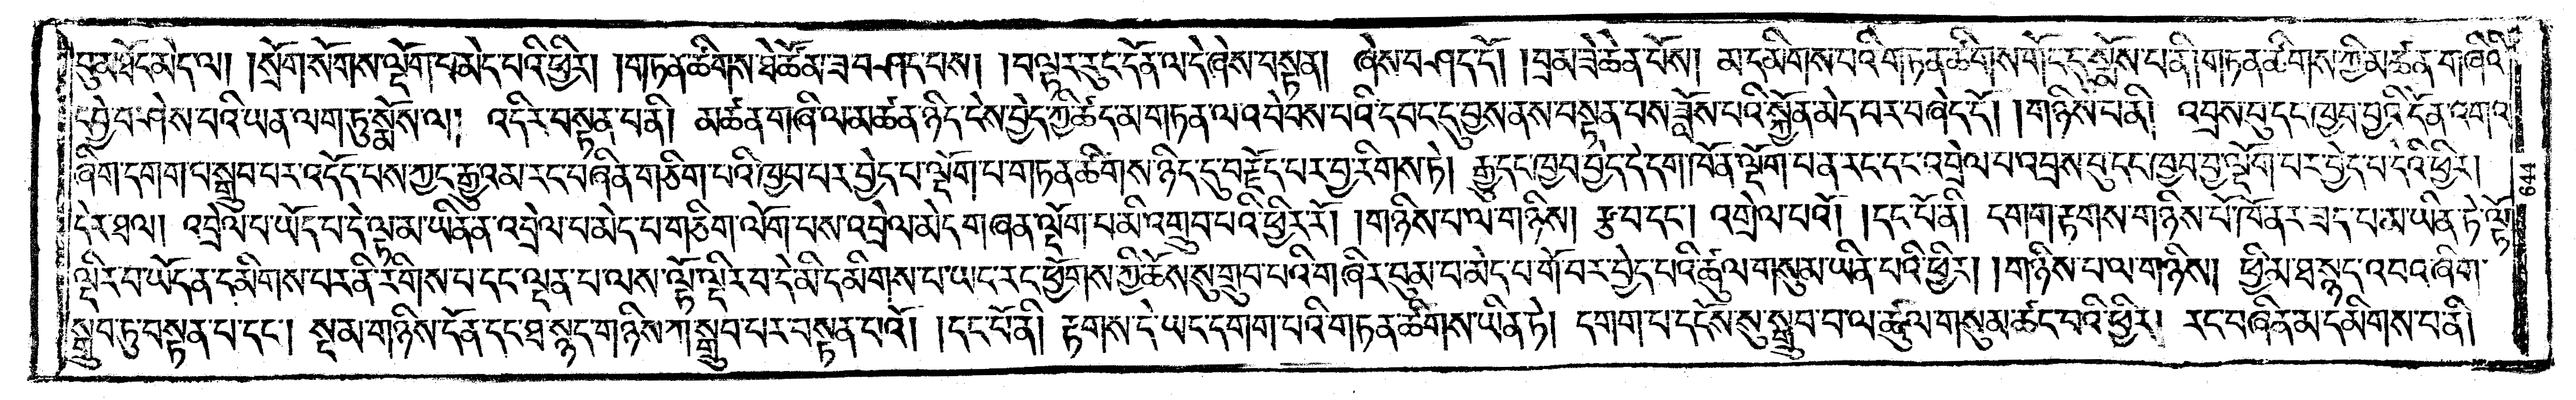བུ་མཐོང་མེད་ལ། །སྲོག་སོགས་ལྡོག་པ་མེད་པའི་ཕྱིར། །གཏན་ཚིགས་ཐེ་ཚོམ་བཤད་པས། །བལྟར་རུང་དོན་ལ་དེ་ཞེས་བསྟན། ཞེས་བཤད་དོ། །བྲམ་ཟེ་ཆེན་པོས། མ་དམིགས་པའི་གཏན་ཚིགས་གོང་དུ་སྨོས་པ་ནི། གཏན་ཚིགས་ཀྱི་མཚན་གཞིའི་
དབྱེ་བ་ཤེས་པའི་ཡན་ལག་ཏུ་སྨོས་ལ། འདིར་བསྟན་པ་ནི། མཚན་གཞི་ལ་མཚན་ཉིད་ངེས་བྱེད་ཀྱི་ཚད་མ་གཏན་ལ་འབེབས་པའི་དབང་དུ་བྱས་ནས་བསྟན་པས་ཟློས་པའི་སྐྱོན་མེད་པར་བཞེད་དོ། །གཉིས་པ་ནི། འབྲས་བུ་དང་ཁྱབ་བྱའི་དོན་འགའ་
ཞིག་དགག་པ་སྒྲུབ་པར་འདོད་པས་ཀྱང་རྒྱུའམ་རང་བཞིན་གཅིག་པའི་ཁྱབ་པར་བྱེད་པ་ལྡོག་པ་གཏན་ཚིགས་ཉིད་དུ་བརྗོད་པར་བྱ་རིགས་ཏེ། རྒྱུ་དང་ཁྱབ་བྱེད་དེ་དག་ཁོ་ན་ལྡོག་པ་ན་རང་དང་འབྲེལ་པ་འབྲས་བུ་དང་ཁྱབ་བྱ་ལྡོག་པར་བྱེད་པ་དེའི་ཕྱིར།
དེར་ཐལ། འབྲེལ་པ་ཡོད་པ་དེ་ལྟ་མ་ཡིན་ན་འབྲེལ་པ་མེད་པ་གཅིག་ལོག་པས་འབྲེལ་མེད་གཞན་ལྡོག་པ་མི་འགྲུབ་པའི་ཕྱིར་རོ། །གཉིས་པ་ལ་གཉིས། རྩ་བ་དང་། འགྲེལ་པའོ། །དང་པོ་ནི། དགག་རྟགས་གཉིས་པོ་ཁོ་ནར་ཟད་པ་མ་ཡིན་ཏེ་ལྟོ་
ལྡིར་བ་ཡོད་ན་དམིགས་པར་ནི་རིགས་པ་དང་ལྡན་པ་ལས་ལྟོ་ལྡིར་བ་དེ་མི་དམིགས་པ་ཡང་རང་ཕྱོགས་ཀྱི་ཆོས་སུ་གྲུབ་པའི་གཞིར་བུམ་པ་མེད་པ་གོ་བར་བྱེད་པའི་ཚུལ་གསུམ་ཡིན་པའི་ཕྱིར། །གཉིས་པ་ལ་གཉིས། ཕྱི་མ་ཐ་སྙད་འབའ་ཞིག་
སྒྲུབ་ཏུ་བསྟན་པ་དང་། སྔ་མ་གཉིས་དོན་དང་ཐ་སྙད་གཉིས་ཀ་སྒྲུབ་པར་བསྟན་པའོ། །དང་པོ་ནི། རྟགས་དེ་ཡང་དགག་པའི་གཏན་ཚིགས་ཡིན་ཏེ། དགག་པ་དངོས་སུ་སྒྲུབ་པ་ལ་ཚུལ་གསུམ་ཚང་བའི་ཕྱིར། རང་བཞིན་མ་དམིགས་པ་ནི།